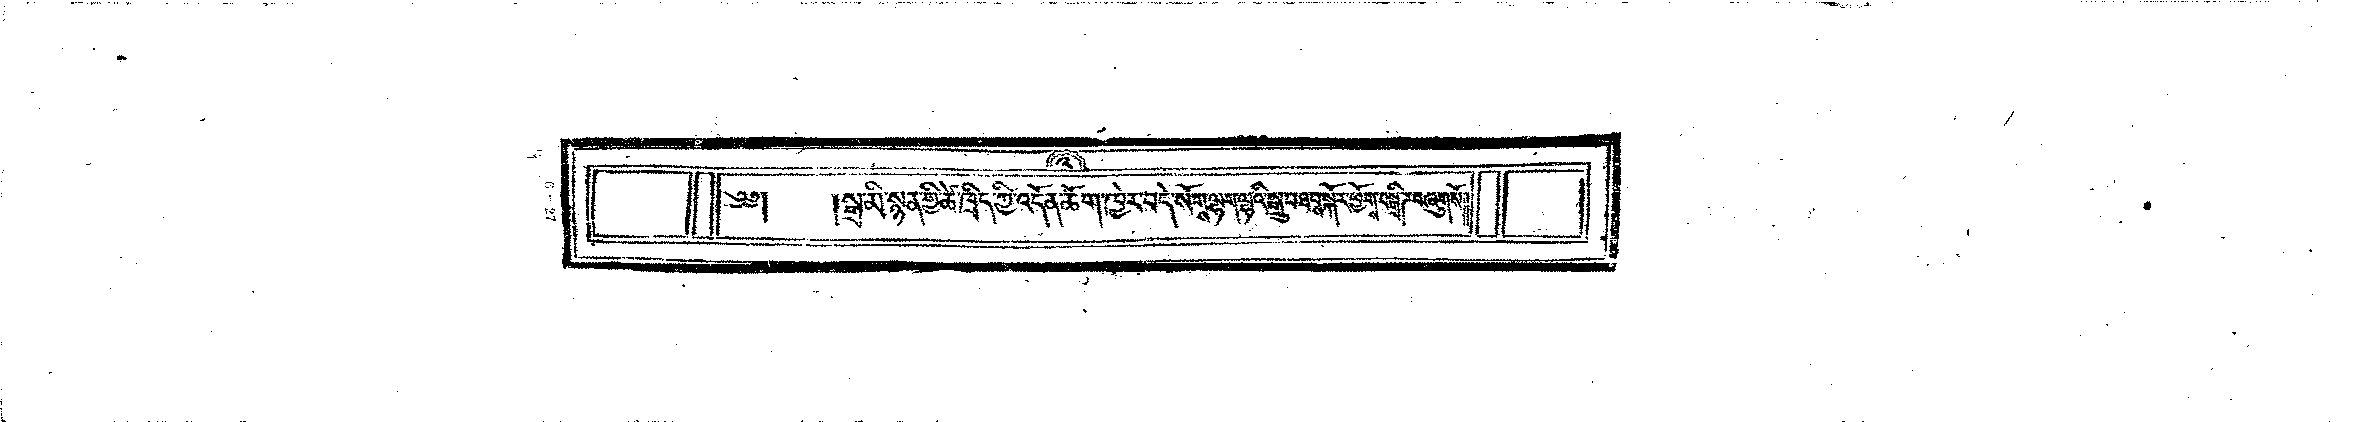༄༅། །སྒྲ་མི་སྙན་གྱི་ཚེ་ཁྲིད་ཀྱི་འདོན་ཆོག་ཁྱེར་བདེ་སོགས་ལྷག་ལྷའི་སྒྲུབ་ཐབས་སྐོར་ཕྱོགས་བསྒྲིཌ་བཞུགས་སོ།།